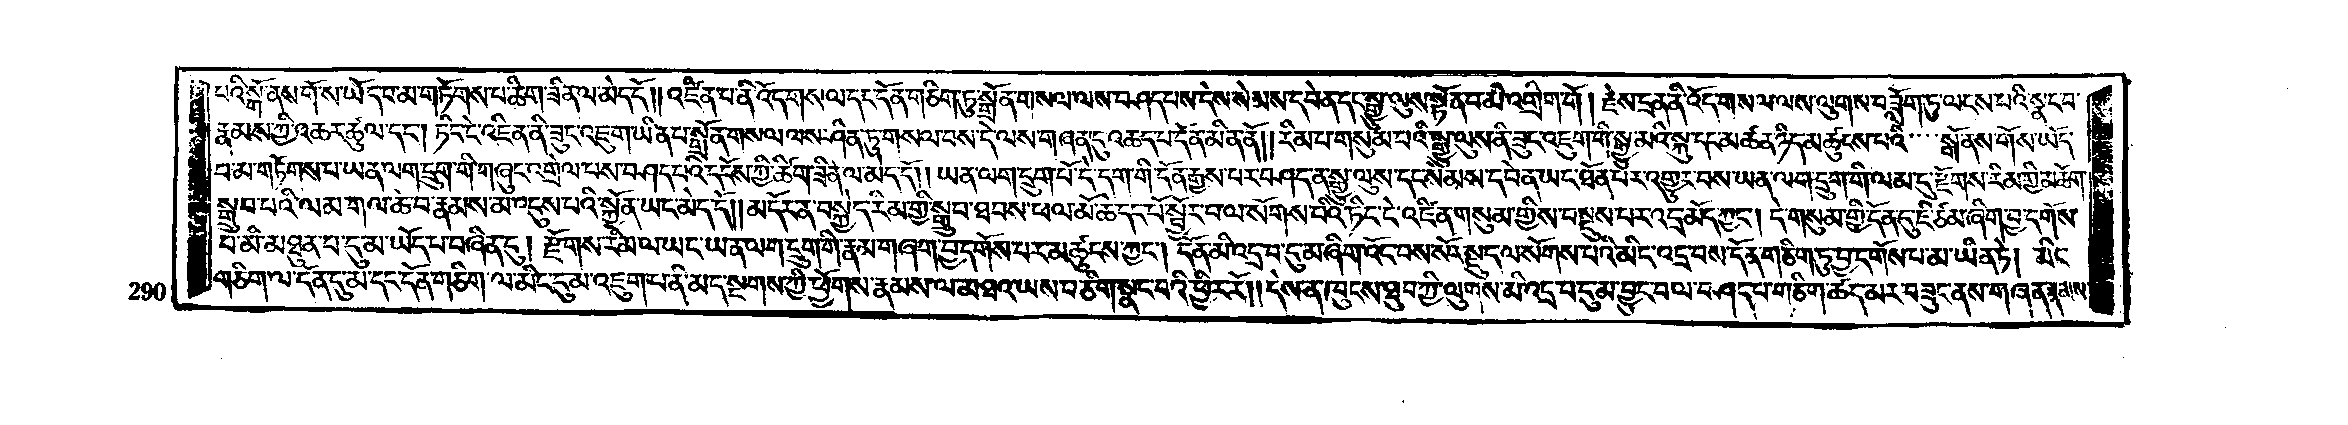པའི་སྒོ་ནས་གོ་ས་ཡོད་པ་མ་གཏོགས་པ་ཆིག་ཟིན་ལ་མེད་དོ། །འཛིན་པ་ནི་འོད་གསལ་དང་དོན་གཅིག་ཏུ་སྒྲོན་གསལ་ལས་བཤད་པས་དེས་སེམས་དབེན་དང་སྒྱུ་ལུས་སྟོན་པ་མི་འགྲིག་གོ །རྗེས་དྲན་ནི་འོད་གསལ་ལས་ལུགས་བཟློག་ཏུ་ལངས་པའི་སྣང་བ་
རྣམས་ཀྱི་འཆར་ཚུལ་དང་། ཏིང་ངེ་འཛིན་ནི་ཟུང་འཇུག་ཡིན་པ་སྒྲོན་གསལ་ལས་ཤིན་ཏུ་གསལ་བས་དེ་ལས་གཞན་དུ་འཆད་པ་དོན་མིན་ནོ། །རིམ་པ་གསུམ་པའི་སྒྱུ་ལུས་ནི་ཟུང་འཇུག་གི་སྒྱུ་མའི་སྐུ་དང་མཚན་ཉིད་མཚུངས་པའི་སྒོ་ནས་གོ་ས་ཡོད་
པ་མ་གཏོགས་པ་ཡན་ལག་དྲུག་གི་གཞུང་འགྲེལ་པས་བཤད་པའི་དངོས་ཀྱི་ཚིག་ཟིན་ལ་མེད་དོ། །ཡན་ལག་དྲུག་པོ་དེ་དག་གི་དོན་རྒྱས་པར་བཤད་ན་སྒྱུ་ལུས་དང་སེམས་དབེན་ཡང་ཐོན་པར་འགྱུར་བས་ཡན་ལག་དྲུག་གི་ལམ་དུ་རྫོགས་རིམ་གྱི་མཆོག་
སྒྲུབ་པའི་ལམ་གལ་ཆེ་བ་རྣམས་མ་འདུས་པའི་སྐྱོན་ཡང་མེད་དོ། །མདོར་ན་བསྐྱེད་རིམ་གྱི་སྒྲུབ་ཐབས་ཕལ་མོ་ཆེ་དང་པོ་སྦྱོར་བ་ལ་སོགས་པའི་ཏིང་ངེ་འཛིན་གསུམ་གྱིས་བསྡུས་པར་འདྲ་མོད་ཀྱང་། དེ་གསུམ་གྱི་དོན་དུ་ཇི་ཙམ་ཞིག་བྱ་དགོས་
པ་མི་མཐུན་པ་དུ་མ་ཡོད་པ་བཞིན་དུ། རྫོགས་རིམ་ལ་ཡང་ཡན་ལག་དྲུག་གི་རྣམ་གཞག་བྱ་དགོས་པར་མཚུངས་ཀྱང་། དོན་མི་འདྲ་བ་དུ་མ་ཞིག་འོང་བས་སོར་སྡུད་ལ་སོགས་པའི་མིང་འདྲ་བས་དོན་གཅིག་ཏུ་བྱ་དགོས་པ་མ་ཡིན་ཏེ། མིང་
གཅིག་ལ་དོན་དུ་མ་དང་དོན་གཅིག་ལ་མིང་དུ་མ་འཇུག་པ་ནི་མདོ་སྔགས་ཀྱི་ཕྱོགས་རྣམས་ལ་མཐའ་ཡས་པ་ཅིག་སྣང་བའི་ཕྱིར་རོ། །དེས་ན་ཁུངས་ཐུབ་ཀྱི་ལུགས་མི་འདྲ་བ་དུ་མ་བྱུང་བ་ལ་བཤད་པ་གཅིག་ཚད་མར་བཟུང་ནས་གཞན་རྣམས་